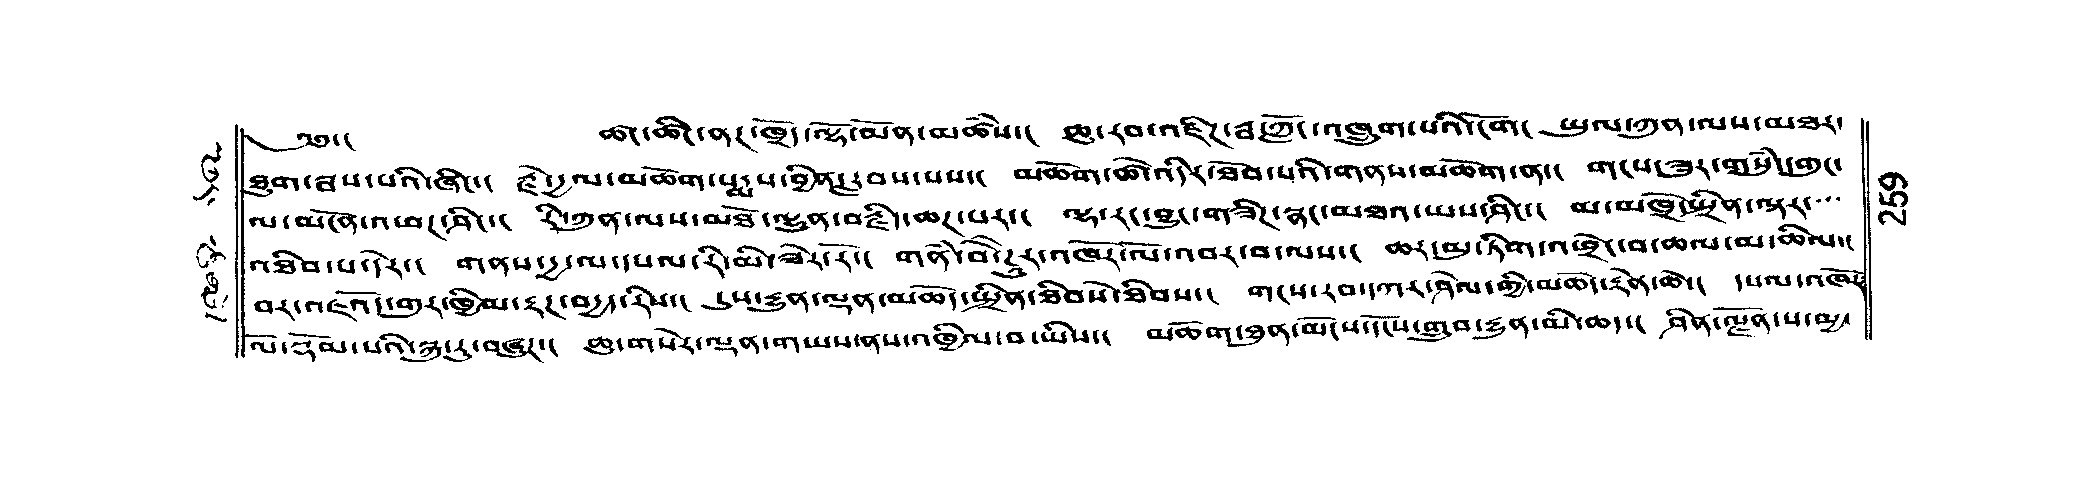ཚང་ཚིང་ནགས་ཁྲོད་ལྷོ་མོན་མཚམས། །ཆུ་རབ་འཇིགས་རྦ་ཀློང་འཁྲུག་པའི་ངོགས། །ཡུལ་ཀུན་ལས་མཐར་
ཐུག་སྦས་པའི་ཞིང་། །རྗེ་རྒྱལ་མཆོག་པདྨས་བྱིན་རླབས་པས། །མཆོག་ཚེ་འདིར་ཐོབ་པའི་གནས་མཆོག་ན། །གངས་ཟུར་གསུམ་དགུང་
ལ་མངོན་འཕགས་ཤིང་། །རི་ཀུན་ལས་མཐོ་ལྷུན་བརྗིད་ཆགས་པར། །ལྷ་རང་བྱུང་གཟིགས་སྣང་མཐའ་ཡས་ཤིང་། །མ་མཁའ་འགྲོ་སྤྲིན་ལྟར་
འཐིབ་པ་དེར། །གནས་རྒྱལ་ལ་དཔལ་རི་མི་ཟེར་རོ། །གནམ་བཻ་ཌཱུར་འཁོར་ལོ་འབར་བ་ལས། །ཆར་མུ་ཏིག་འཕྲེང་བ་ཆལ་མ་ཆིལ། །
བར་འཇའ་འོད་གུར་ཁྱིམ་རྟགས་བརྒྱད་རིས། །དུས་རྒྱུན་ལྡན་མཆོད་སྤྲིན་ཐིབས་སེ་ཐིབས། །གངས་རབ་དཀར་ཤེལ་གྱི་མཆོད་རྟེན་ཆེ། །དཔལ་འཁོར་
ལོ་སྡོམ་པའི་སྐུ་རུ་བཞུགས། །ཆུ་གསེར་ལྡན་གཡས་ནས་འཁྱིལ་བ་ཡིས། །མཆོག་ཐུན་མོང་དངོས་གྲུབ་རྒྱུན་མི་ཆད། །ཤིན་ལྗོན་པ་མྱ་